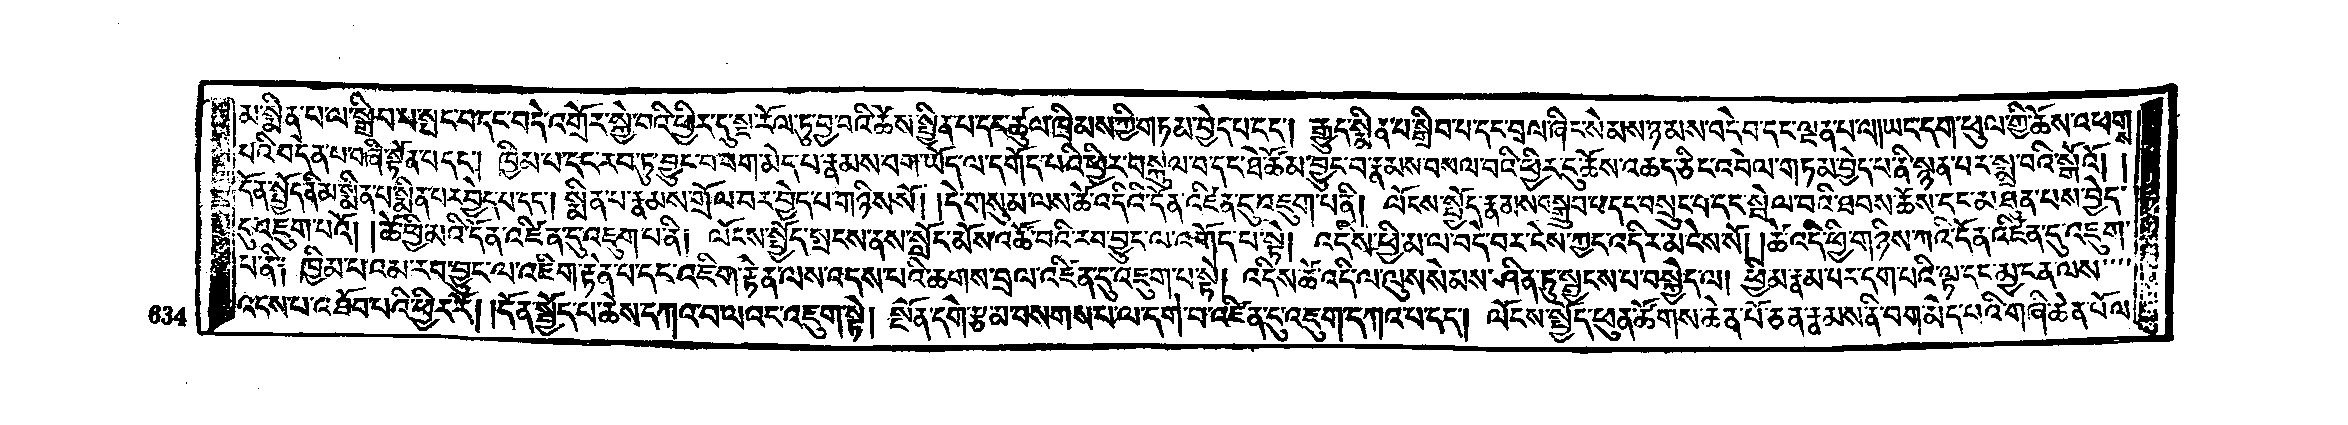མ་སྨིན་པ་ལ་སྒྲིབ་པ་སྤང་བ་དང་བདེ་འགྲོར་སྐྱེ་བའི་ཕྱིར་དུ་སྔ་རོལ་ཏུ་བྱ་བའི་ཆོས་སྦྱིན་པ་དང་ཚུལ་ཁྲིམས་ཀྱི་གཏམ་བྱེད་པ་དང་། རྒྱུད་སྨིན་པ་སྒྲིབ་པ་དང་བྲལ་ཞིང་སེམས་ཉམས་བདེ་བ་དང་ལྡན་པ་ལ། ཡང་དག་ཕུལ་གྱི་ཆོས་འཕགས་
པའི་བདེན་པ་བཞི་སྟོན་པ་དང་། ཁྱིམ་པ་དང་རབ་ཏུ་བྱུང་བ་བག་མེད་པ་རྣམས་བག་ཡོད་ལ་དགོད་པའི་ཕྱིར་བསྐུལ་བ་དང་ཐེ་ཚོམ་བྱུང་བ་རྣམས་བསལ་བའི་ཕྱིར་དུ་ཆོས་འཆད་ཅིང་འབེལ་གཏམ་བྱེད་པ་ནི་སྙན་པར་སྨྲ་བའི་སྒོའོ། །
དོན་སྤྱོད་ནི་མ་སྨིན་པ་སྨིན་བར་བྱེད་པ་དང་། སྨིན་པ་རྣམས་གྲོལ་བར་བྱེད་པ་གཉིས་སོ། །དེ་གསུམ་ལས་ཚེ་འདིའི་དོན་འཛིན་དུ་འཇུག་པ་ནི། ལོངས་སྤྱོད་རྣམས་བསྒྲུབ་པ་དང་བསྲུང་བ་དང་སྤེལ་བའི་ཐབས་ཆོས་དང་མཐུན་པས་བྱེད་
དུ་འཇུག་པའོ། །ཚེ་ཕྱི་མའི་དོན་འཛིན་དུ་འཇུག་པ་ནི། ལོངས་སྤྱོད་སྤངས་ནས་སློང་མོས་འཚོ་བའི་རབ་བྱུང་ལ་འགོད་པ་སྟེ། འདིས་ཕྱི་མ་ལ་བདེ་བར་ངེས་ཀྱང་འདིར་མ་ངེས་སོ། །ཚེ་འདི་ཕྱི་གཉིས་ཀའི་དོན་འཛིན་དུ་འཇུག་
པ་ནི༑ ཁྱིམ་པའམ་རབ་བྱུང་ལ་འཇིག་རྟེན་པ་དང་འཇིག་རྟེན་ལས་འདས་པའི་ཆགས་བྲལ་འཛིན་དུ་འཇུག་པ་སྟེ། འདིས་ཚེ་འདི་ལ་ལུས་སེམས་ཤིན་ཏུ་སྦྱངས་པ་བསྐྱེད་ལ། ཕྱི་མ་རྣམ་པར་དག་པའི་ལྷ་དང་མྱ་ངན་ལས་
འདས་པ་འཐོབ་པའི་ཕྱིར་རོ། །དོན་སྤྱོད་པ་ཆེས་དཀའ་བ་ལའང་འཇུག་སྟེ། སྔོན་དགེ་རྩམ་བསགས་པ་ལ་དགེ་བ་འཛིན་དུ་འཇུག་དཀའ་བ་དང་། ལོངས་སྤྱོད་ཕུན་ཚོགས་ཆེན་པོ་ཅན་རྣམས་ནི་བག་མེད་པའི་གཞི་ཆེན་པོ་ལ་